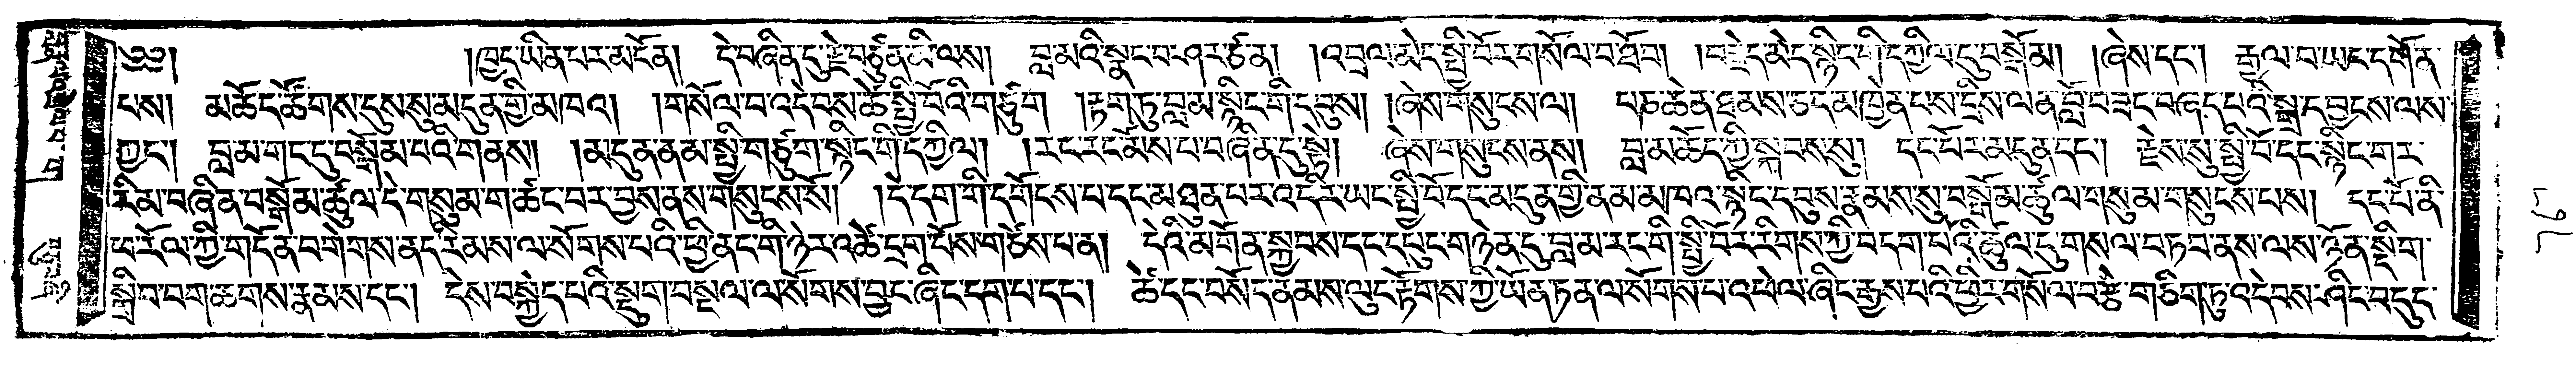༄༅། །ཁྱད་ཡིན་པར་མངོན། དེ་བཞིན་དུ་རྗེ་བཙུན་མི་ལས། བླ་མའི་སྣང་བ་ཤར་ཙ་ན། འབྲས་མེད་སྤྱི་བིར་གསོལ་བ་ཐོབ། །བརྗོད་མེད་སྙིང་གི་དཀྱིལ་དུ་བསྒོམ། །ཞེས་དང་། རྒྱལ་བ་ཡང་དགོན་
པས། མཆོད་ཚོགས་དུས་སུ་མདུན་གྱི་མཁའ། །གསོལ་བ་འདེབས་ཚེ་སྤྱི་བོའི་གཙུག །རྟག་ཏུ་བླ་མ་སྙིང་གི་དབུས། །ཞེས་གསུངས་ལ། པཎ་ཆེན་ཐམས་ཅད་མཁྱེན་པས་དྲིས་ལན་བློ་བཟང་བཞད་པའི་སྒྲ་དབྱངས་ལས་
ཀྱང་། བླ་མ་གང་དུ་བསྒོམ་པའི་གནས། །མདུན་ནམ་སྤྱི་གཙུག་སྙིང་གི་དཀྱིལ། །རང་རང་མོས་པ་བཞིན་དུ་སྟེ། ཞེས་གསུངས་ནས། བླ་མཆོད་ཀྱི་སྐབས་སུ། དང་པོར་མདུན་དང་། རྗེས་སུ་སྤྱི་བོ་དང་སྙིང་གར་
རིམ་བཞིན་བསྒོམ་ཚུལ་དེ་གསུམ་ག་ཚང་བར་བྱས་ནས་གསུངས་སོ། །དེ་དག་གི་དགོངས་པ་དང་མཐུན་པར་འདིར་ཡང་སྤྱི་བོ་དང་མདུན་གྱི་ནམ་མཁའ་སྙིང་དབུས་རྣམས་སུ་བསྒོམ་ཚུལ་གསུམ་གསུངས་པས། དང་པོ་ནི་
ཕ་རོལ་ཀྱི་གདོན་བགེགས་ནད་རིམས་ལ་སོགས་པའི་ཕྱི་ནང་གི་ཉེར་འཚེ་དྲག་པོས་གཙེས་པ་ན། དེའི་མགོན་སྐྱབས་དང་དཔུང་གཉེན་དུ་བླ་མ་རང་གི་སྤྱི་བོར་རིགས་ཀྱི་བདག་པོའི་ཚུལ་དུ་གསལ་བཏབ་ནས་ལས་ཉོན་སྡིག་
སྒྲིབ་བག་ཆགས་རྣམས་དང་། དེས་བསྐྱེད་པའི་སྡུག་བསྔལ་ལ་སོགས་བྱང་ཞིང་དག་པ་དང་། ཚེ་དང་བསོད་ནམས་ལུང་རྟོགས་ཀྱི་ཡོན་ཏན་ལ་སོགས་པ་འཕེལ་ཞིང་རྒྱས་པའི་ཕྱིར་གསོལ་བརྩེ་གཅིག་ཏུ་འདེབས་ཤིང་བདུད་